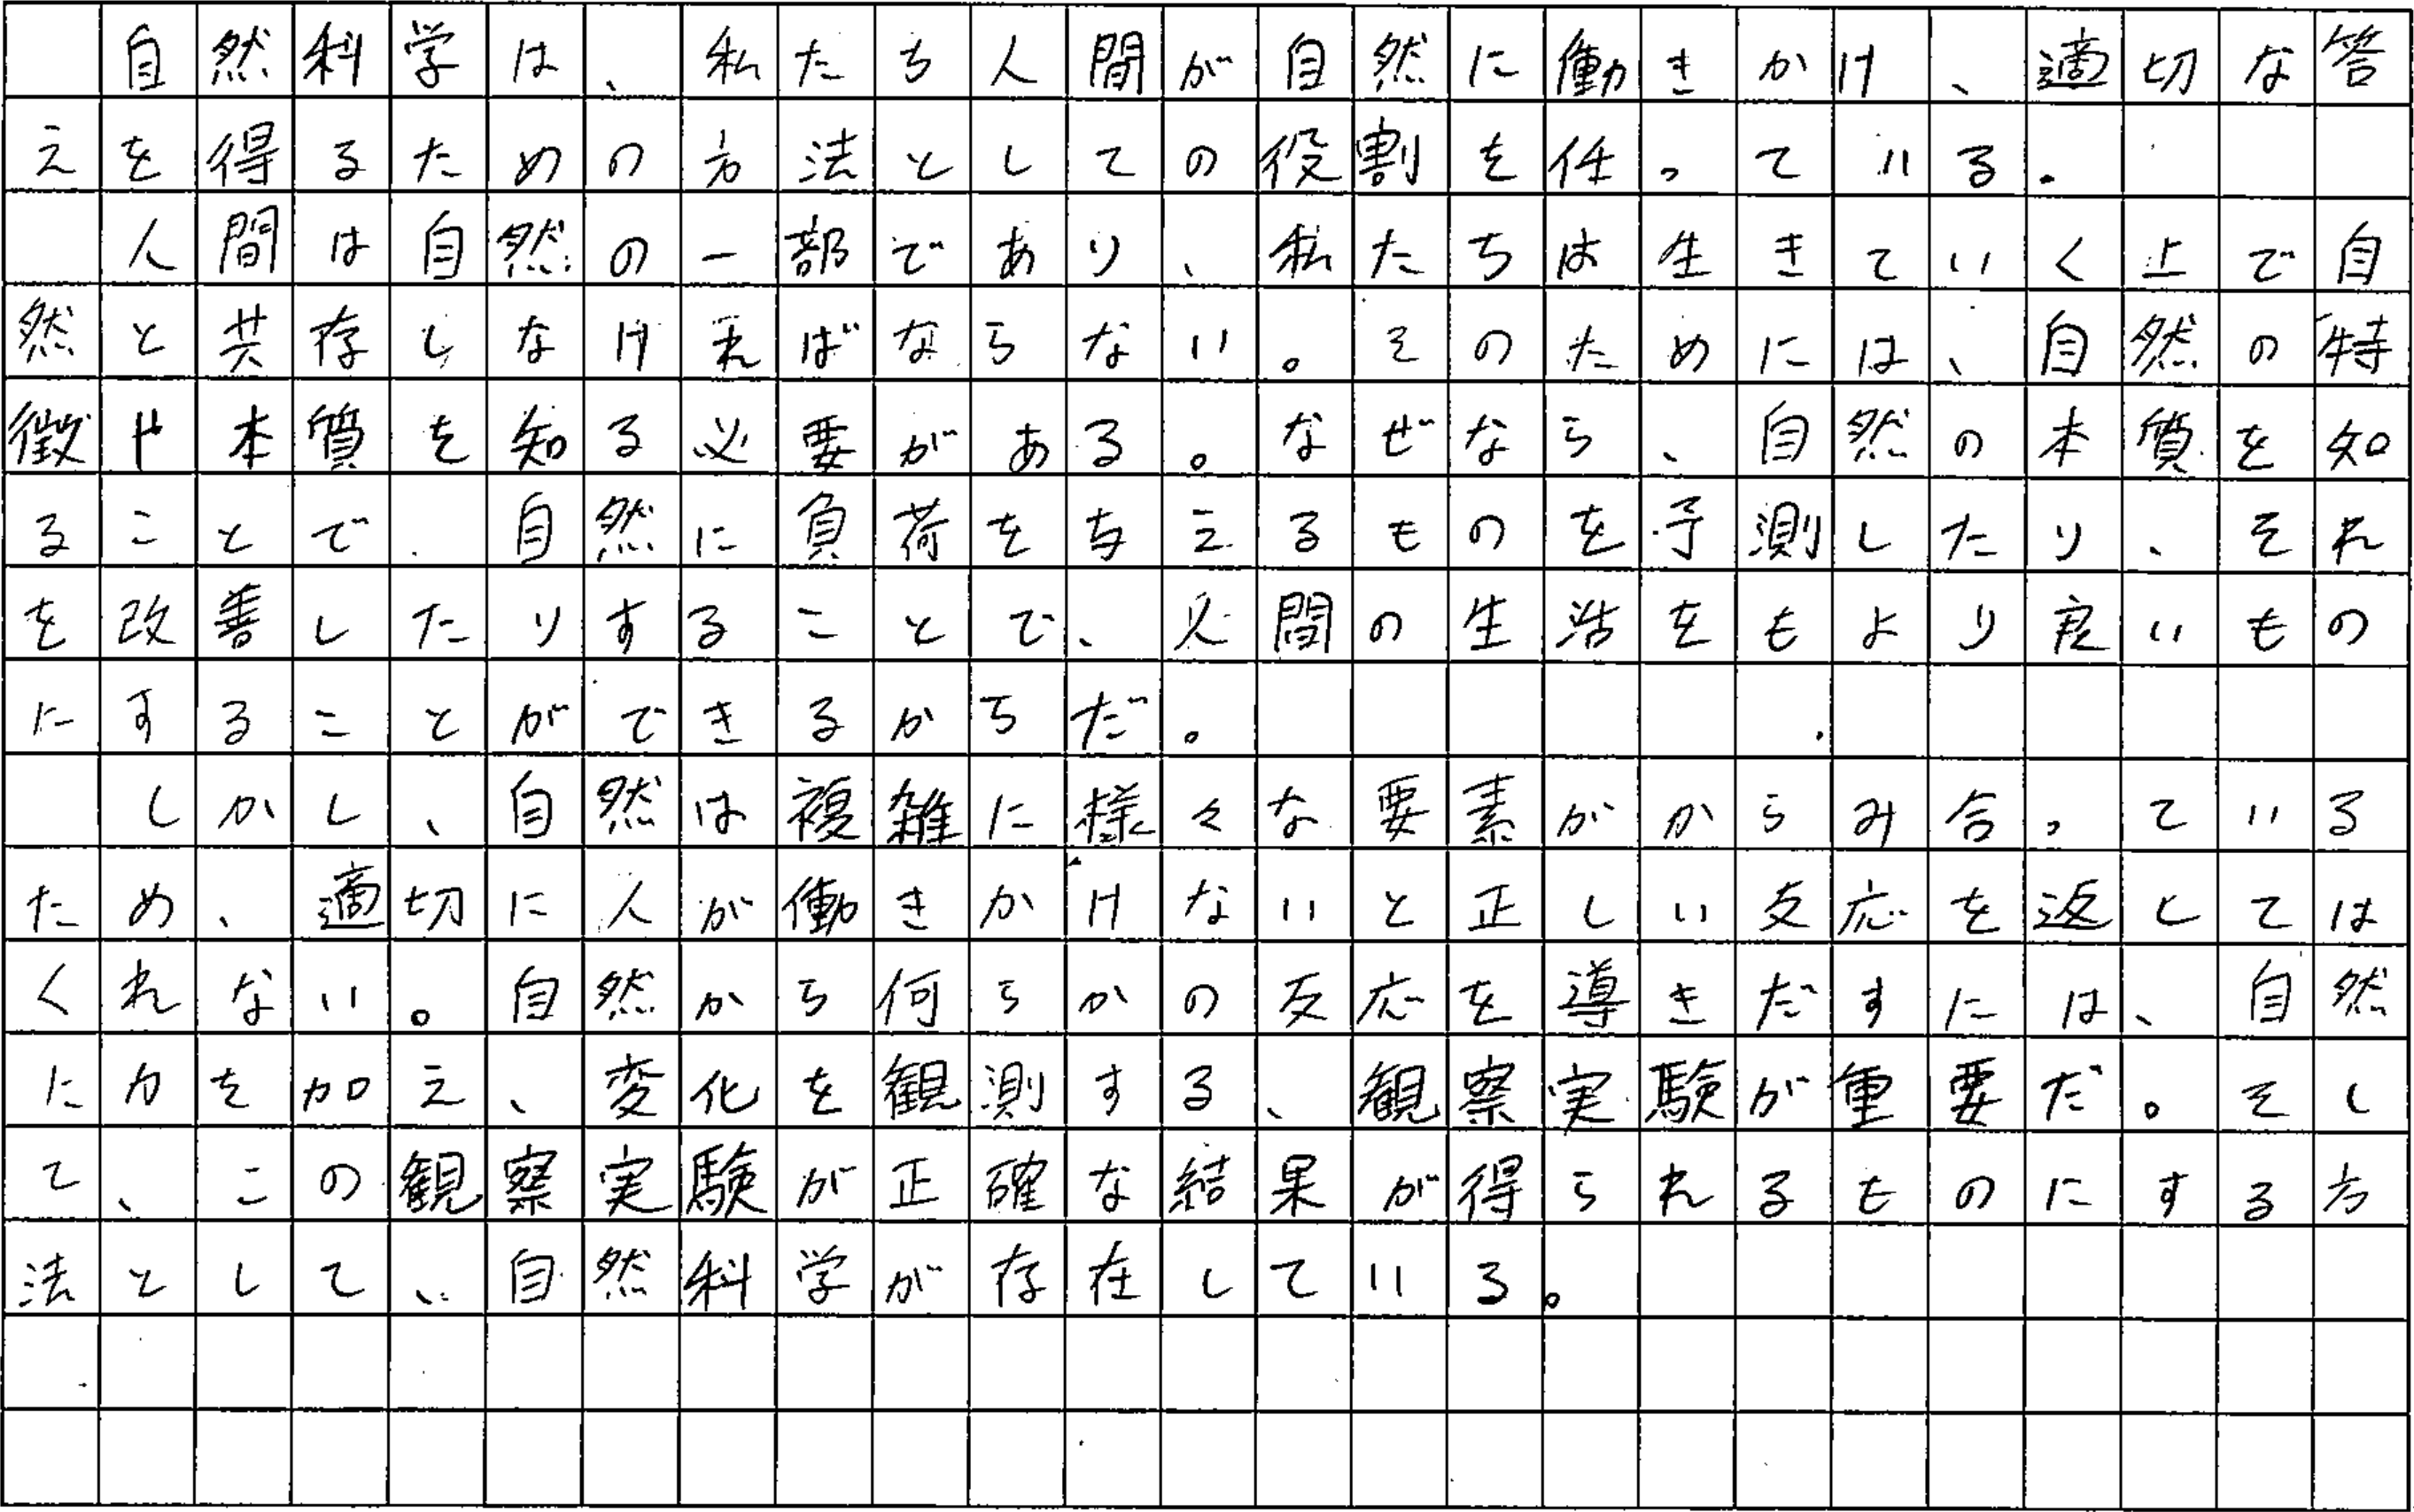　自然科学は、私たち人間が自然に働きかけ、適切な答えを得るための方法としての役割を任っている。
　人間は自然の一部であり、私たちは生きていく上で自然と共存しなければならない。そのためには、自然の特徴や本質を知る必要がある。なぜなら、自然の本質を知ることで、自然に負荷を与えるものを予測したり、それを改善したりすることで、人間の生活をもより良いものにすることができるからだ。
　しかし、自然は複雑に様々な要素がからみ合っているため、適切に人が働きかけないと正しい反応を返してはくれない。自然から何らかの反応を導きだすには、自然に力を加え、変化を観測する、観察実験が重要だ。そして、この観察実験が正確な結果が得られるものにする方法として、自然科学が存在している。
